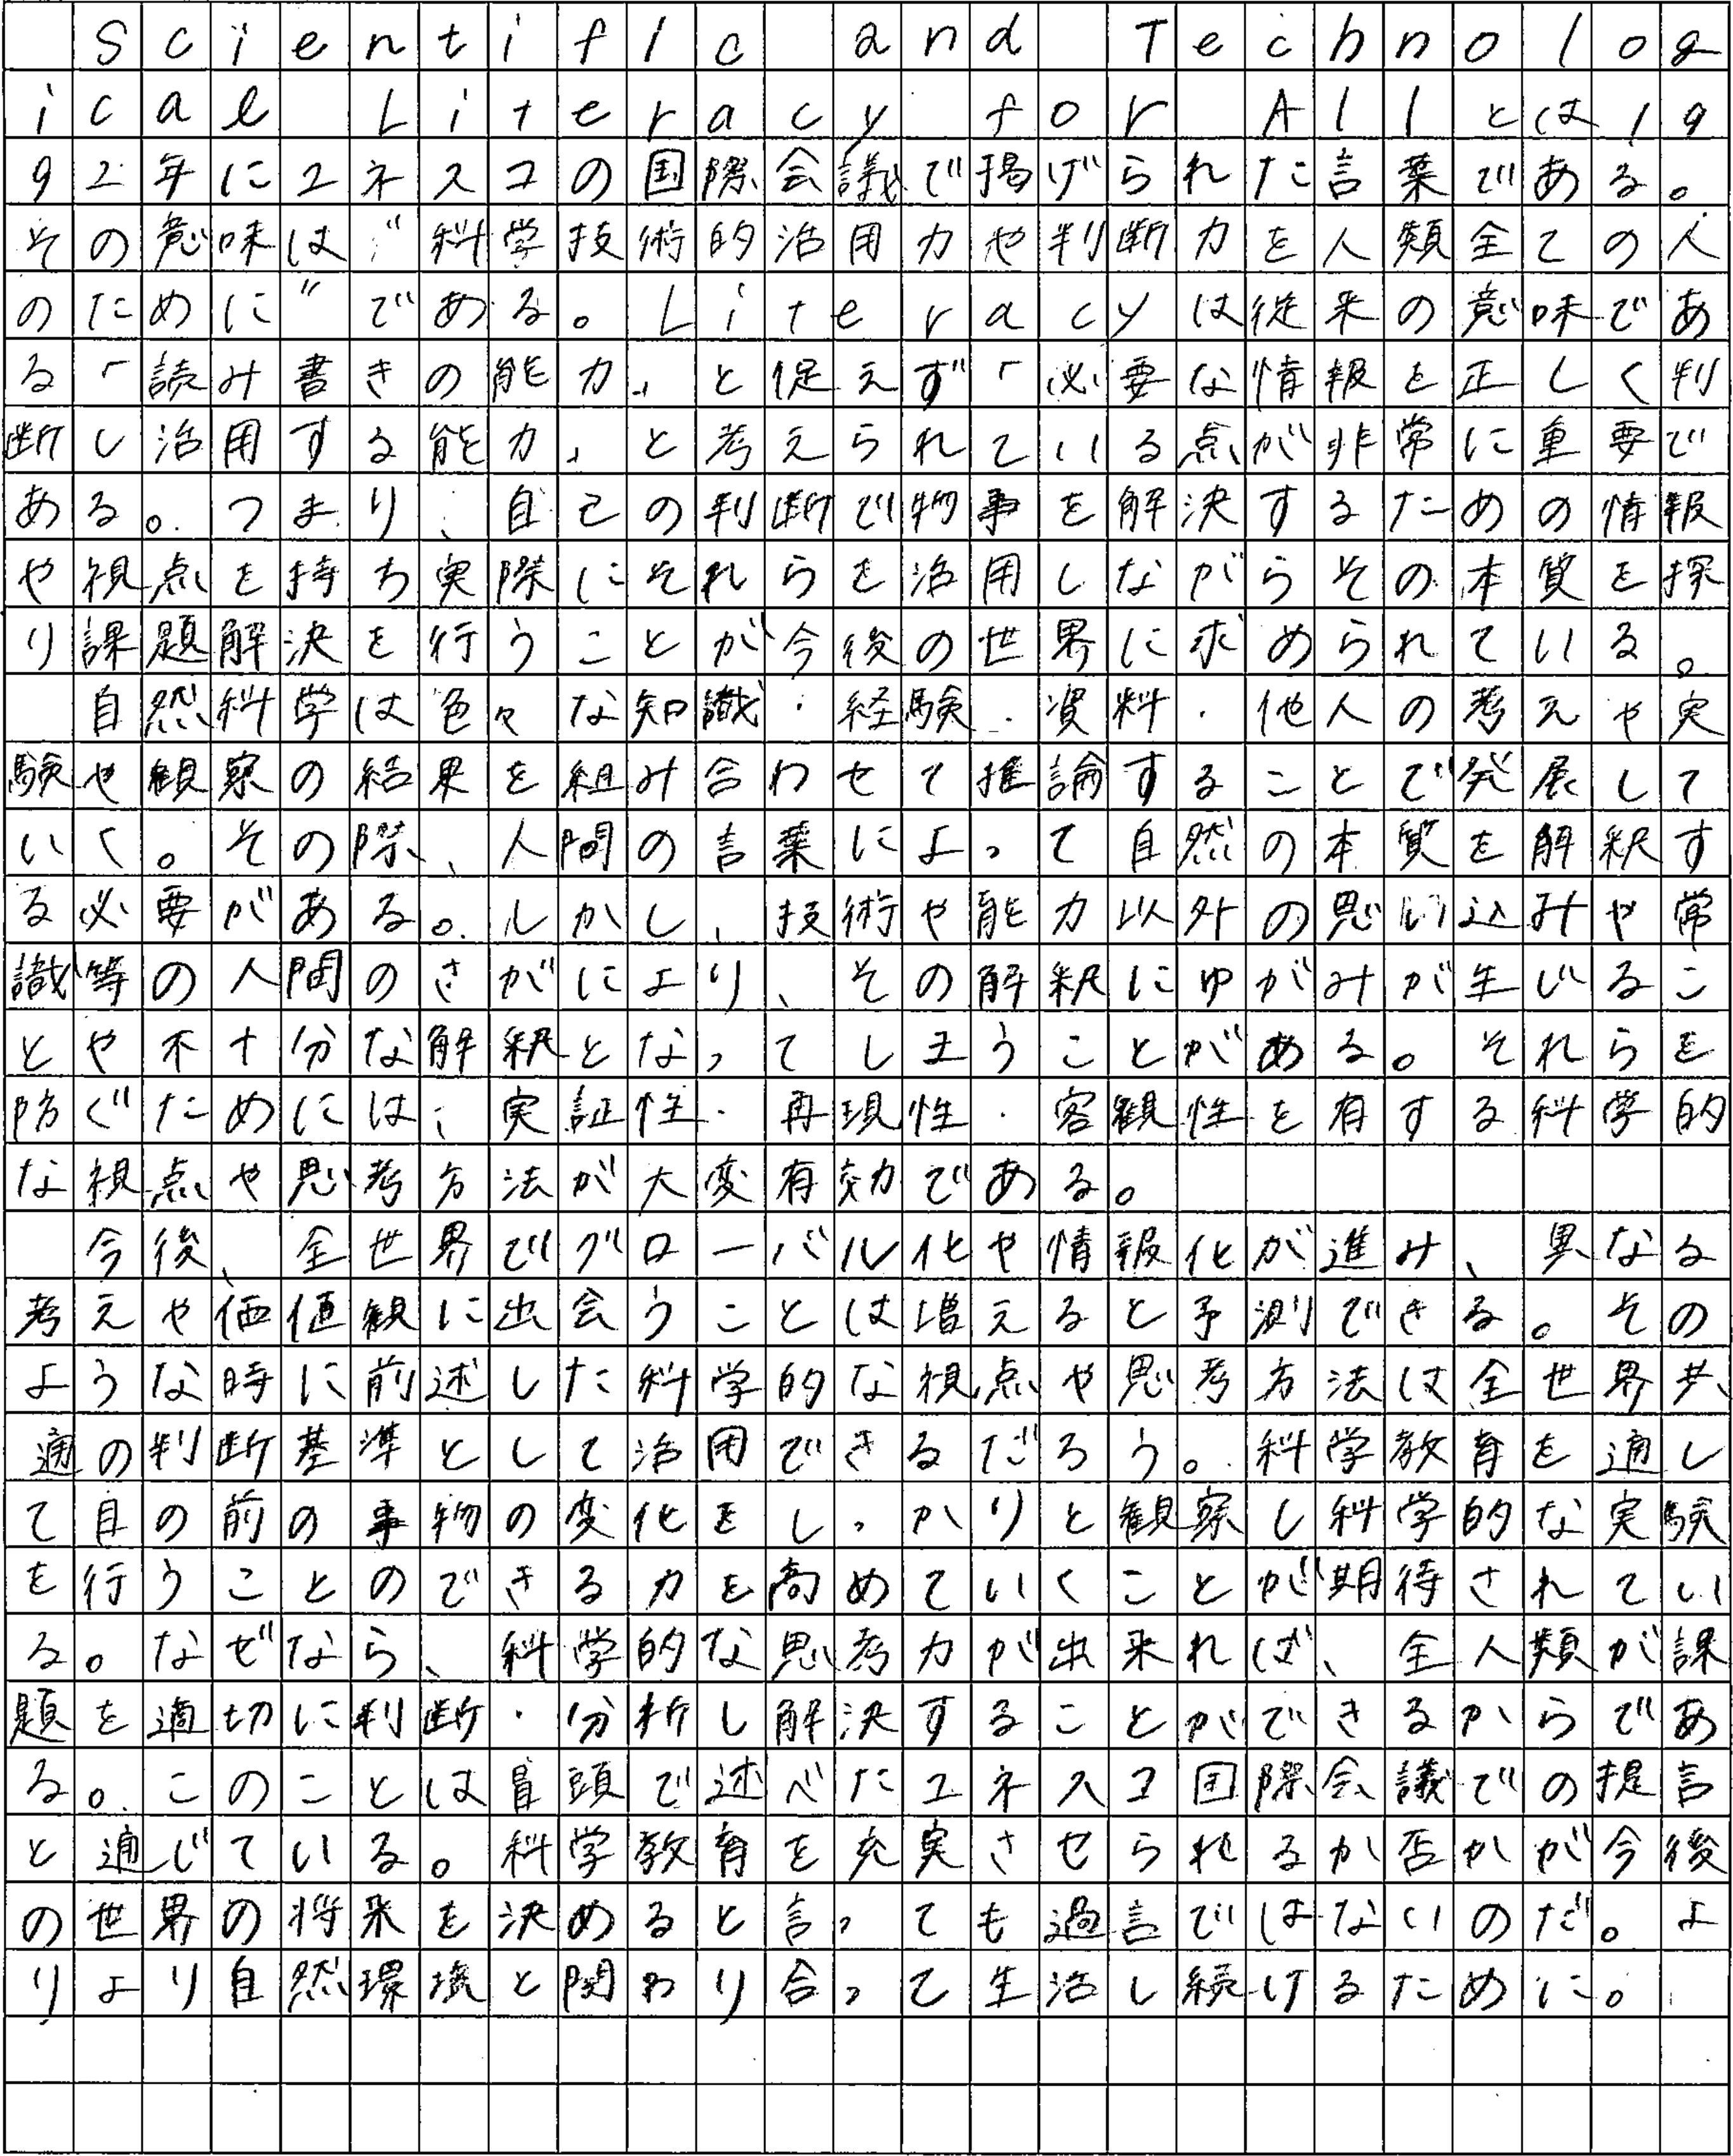　Ｓｃｉｅｎｔｉｆｉｃ　ａｎｄ　Ｔｅｃｈｎｏｌｏｇｉｃａｌ　Ｌｉｔｅｒａｃｙ　ｆｏｒ　Ａｌｌとは１９９２年にユネスコの国際会議で掲げられた言葉である。その意味は“科学技術的活用力や判断力を人類全ての人のために”である。Ｌｉｔｅｒａｃｙは従来の意味である「読み書きの能力」と捉えず「必要な情報を正しく判断し活用する能力」と考えられている点が非常に重要である。つまり、自己の判断で物事を解決するための情報や視点を持ち実際にそれらを活用しながらその本質を探り課題解決を行うことが今後の世界に求められている。
　自然科学は色々な知識・経験・資料・他人の考えや実験や観察の結果を組み合わせて推論することで発展していく。その際、人間の言葉によって自然の本質を解釈する必要がある。しかし、技術や能力以外の思い込みや常識等の人間のさがにより、その解釈にゆがみが生じることや不十分な解釈となってしまうことがある。それらを防ぐためには、実証性・再現性・客観性を有する科学的な視点や思考方法が大変有効である。
　今後、全世界でグローバル化や情報化が進み、異なる考えや価値観に出会うことは増えると予測できる。そのような時に前述した科学的な視点や思考方法は全世界共通の判断基準として活用できるだろう。科学教育を通して目の前の事物の変化をしっかりと観察し科学的な実験を行うことのできる力を高めていくことが期待されている。なぜなら、科学的な思考力が出来れば、全人類が課題を適切に判断・分析し解決することができるからである。このことは冒頭で述べたユネスコ国際会議での提言と通じている。科学教育を充実させられるか否かが今後の世界の将来を決めると言っても過言ではないのだ。よりより自然環境と関わり合って生活し続けるために。
